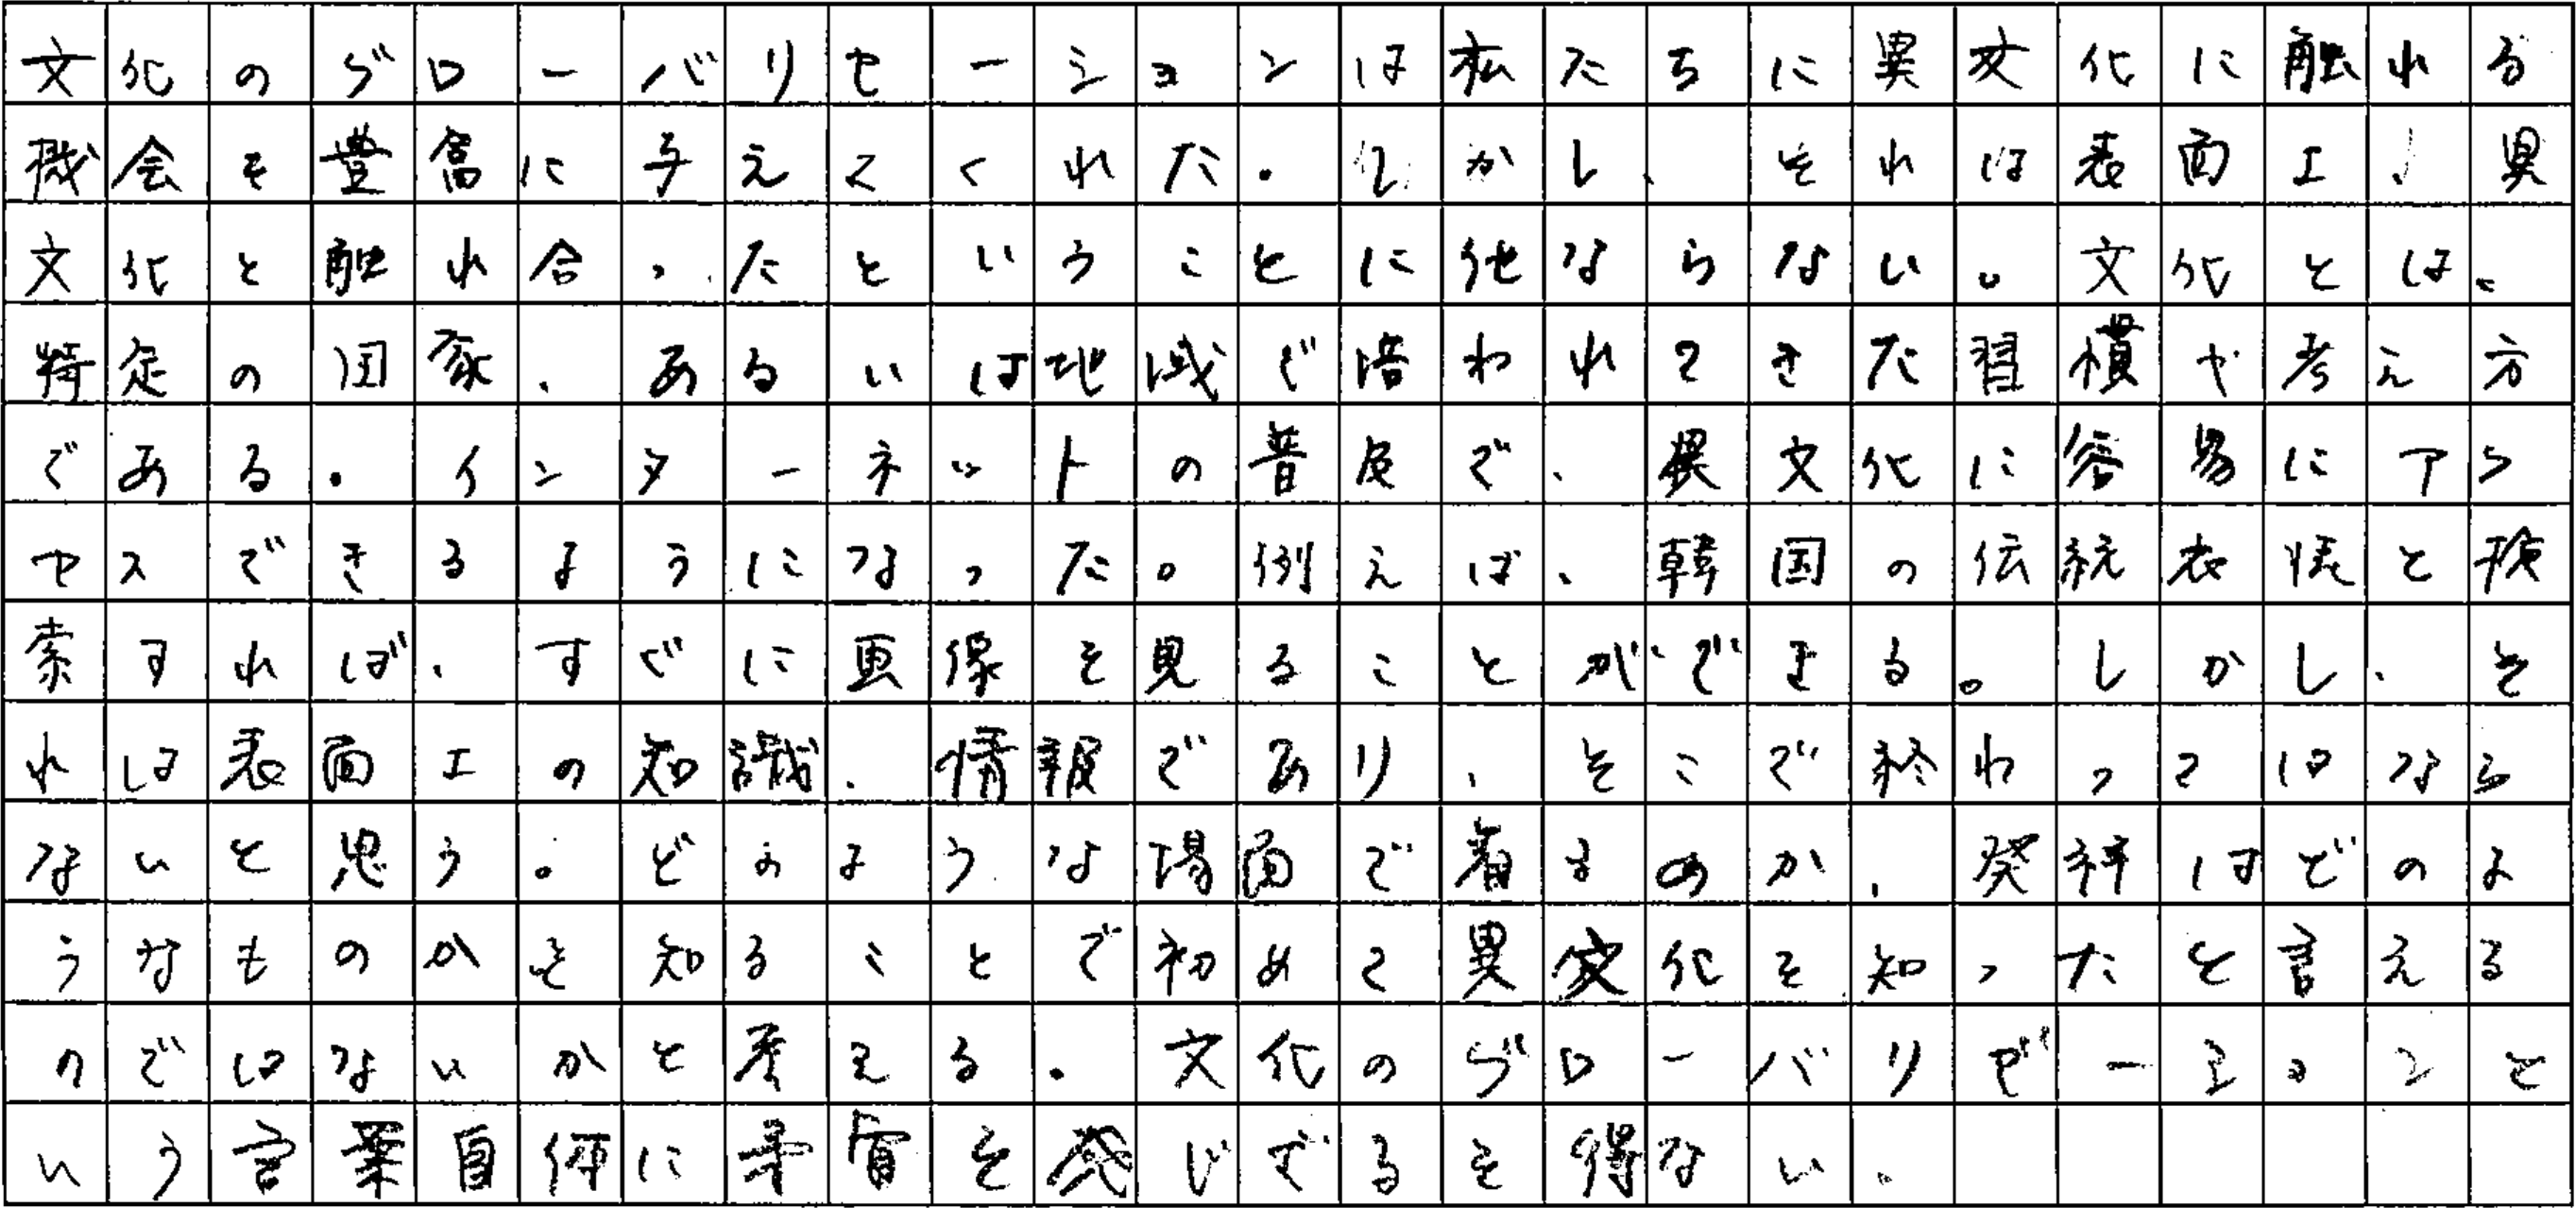文化のグローバリセーションは私たちに異文化に触れる機会を豊富に与えてくれた。しかし、それは表面上、異文化に触れ合ったということに他ならない。文化とは、特定の国家、あるいは地域で培われてきた習慣や考え方である。インターネットの普及で、異文化に▁易にアクセスできるようになった。例えば、韓国の伝統衣装と検索すれば、すぐに画像を見ることができる。しかし、それは表面上の知識、情報であり、そこで終わってはならないと思う。どのような場面で着るのか、発祥はどのようなものかを知ることで初めて異文化を知ったと言えるのではないかと考える。文化のグローバリゼーションという言葉自体に矛盾を感じざるを得ない。
